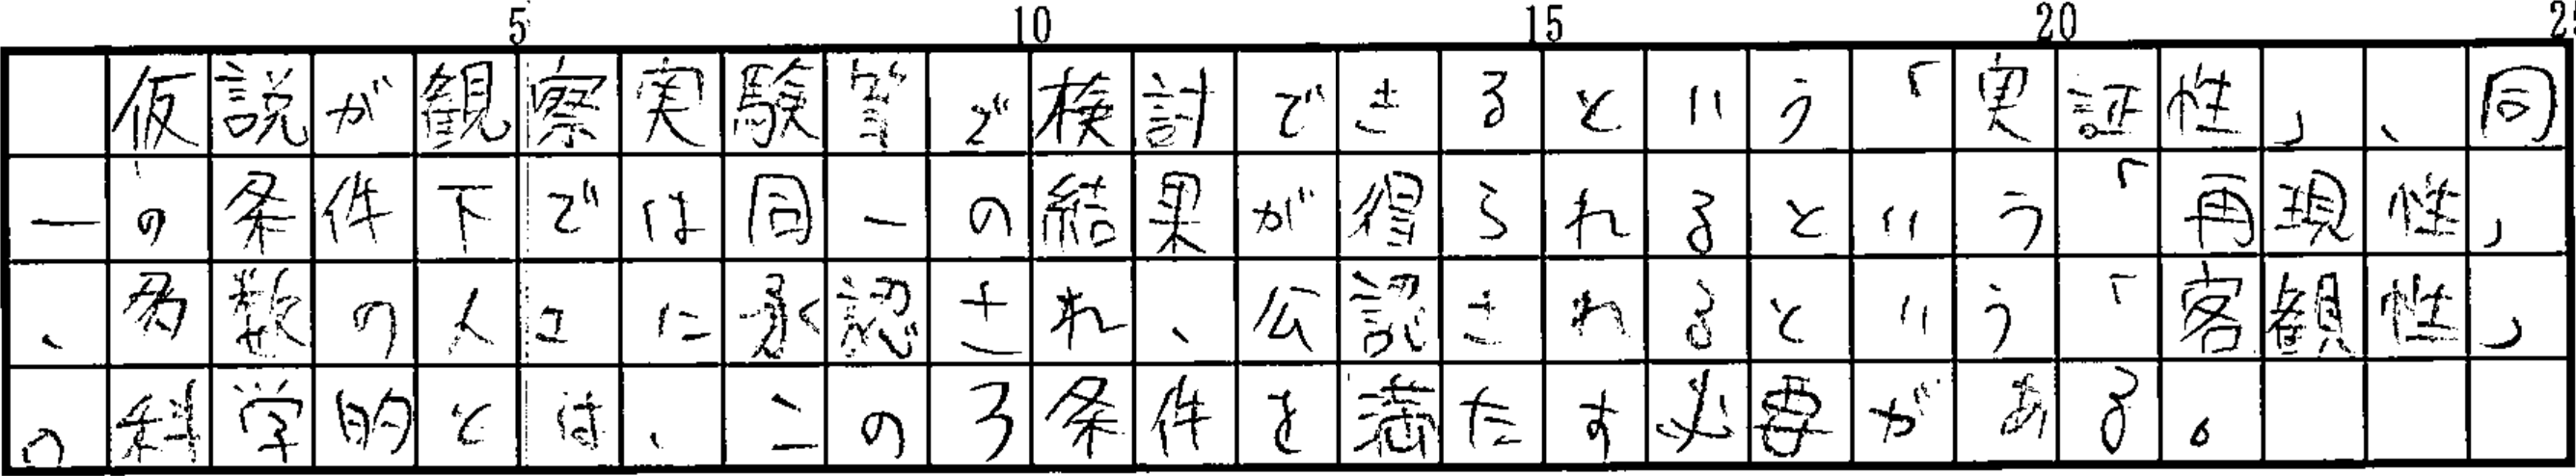　仮説が観察実験等で検討できるという「実証性」、同一の条件下では同一の結果が得られるという「再現性」、多数の人々に承認され、公認されるという「客観性」。科学的とは、この３条件を満たす必要がある。
